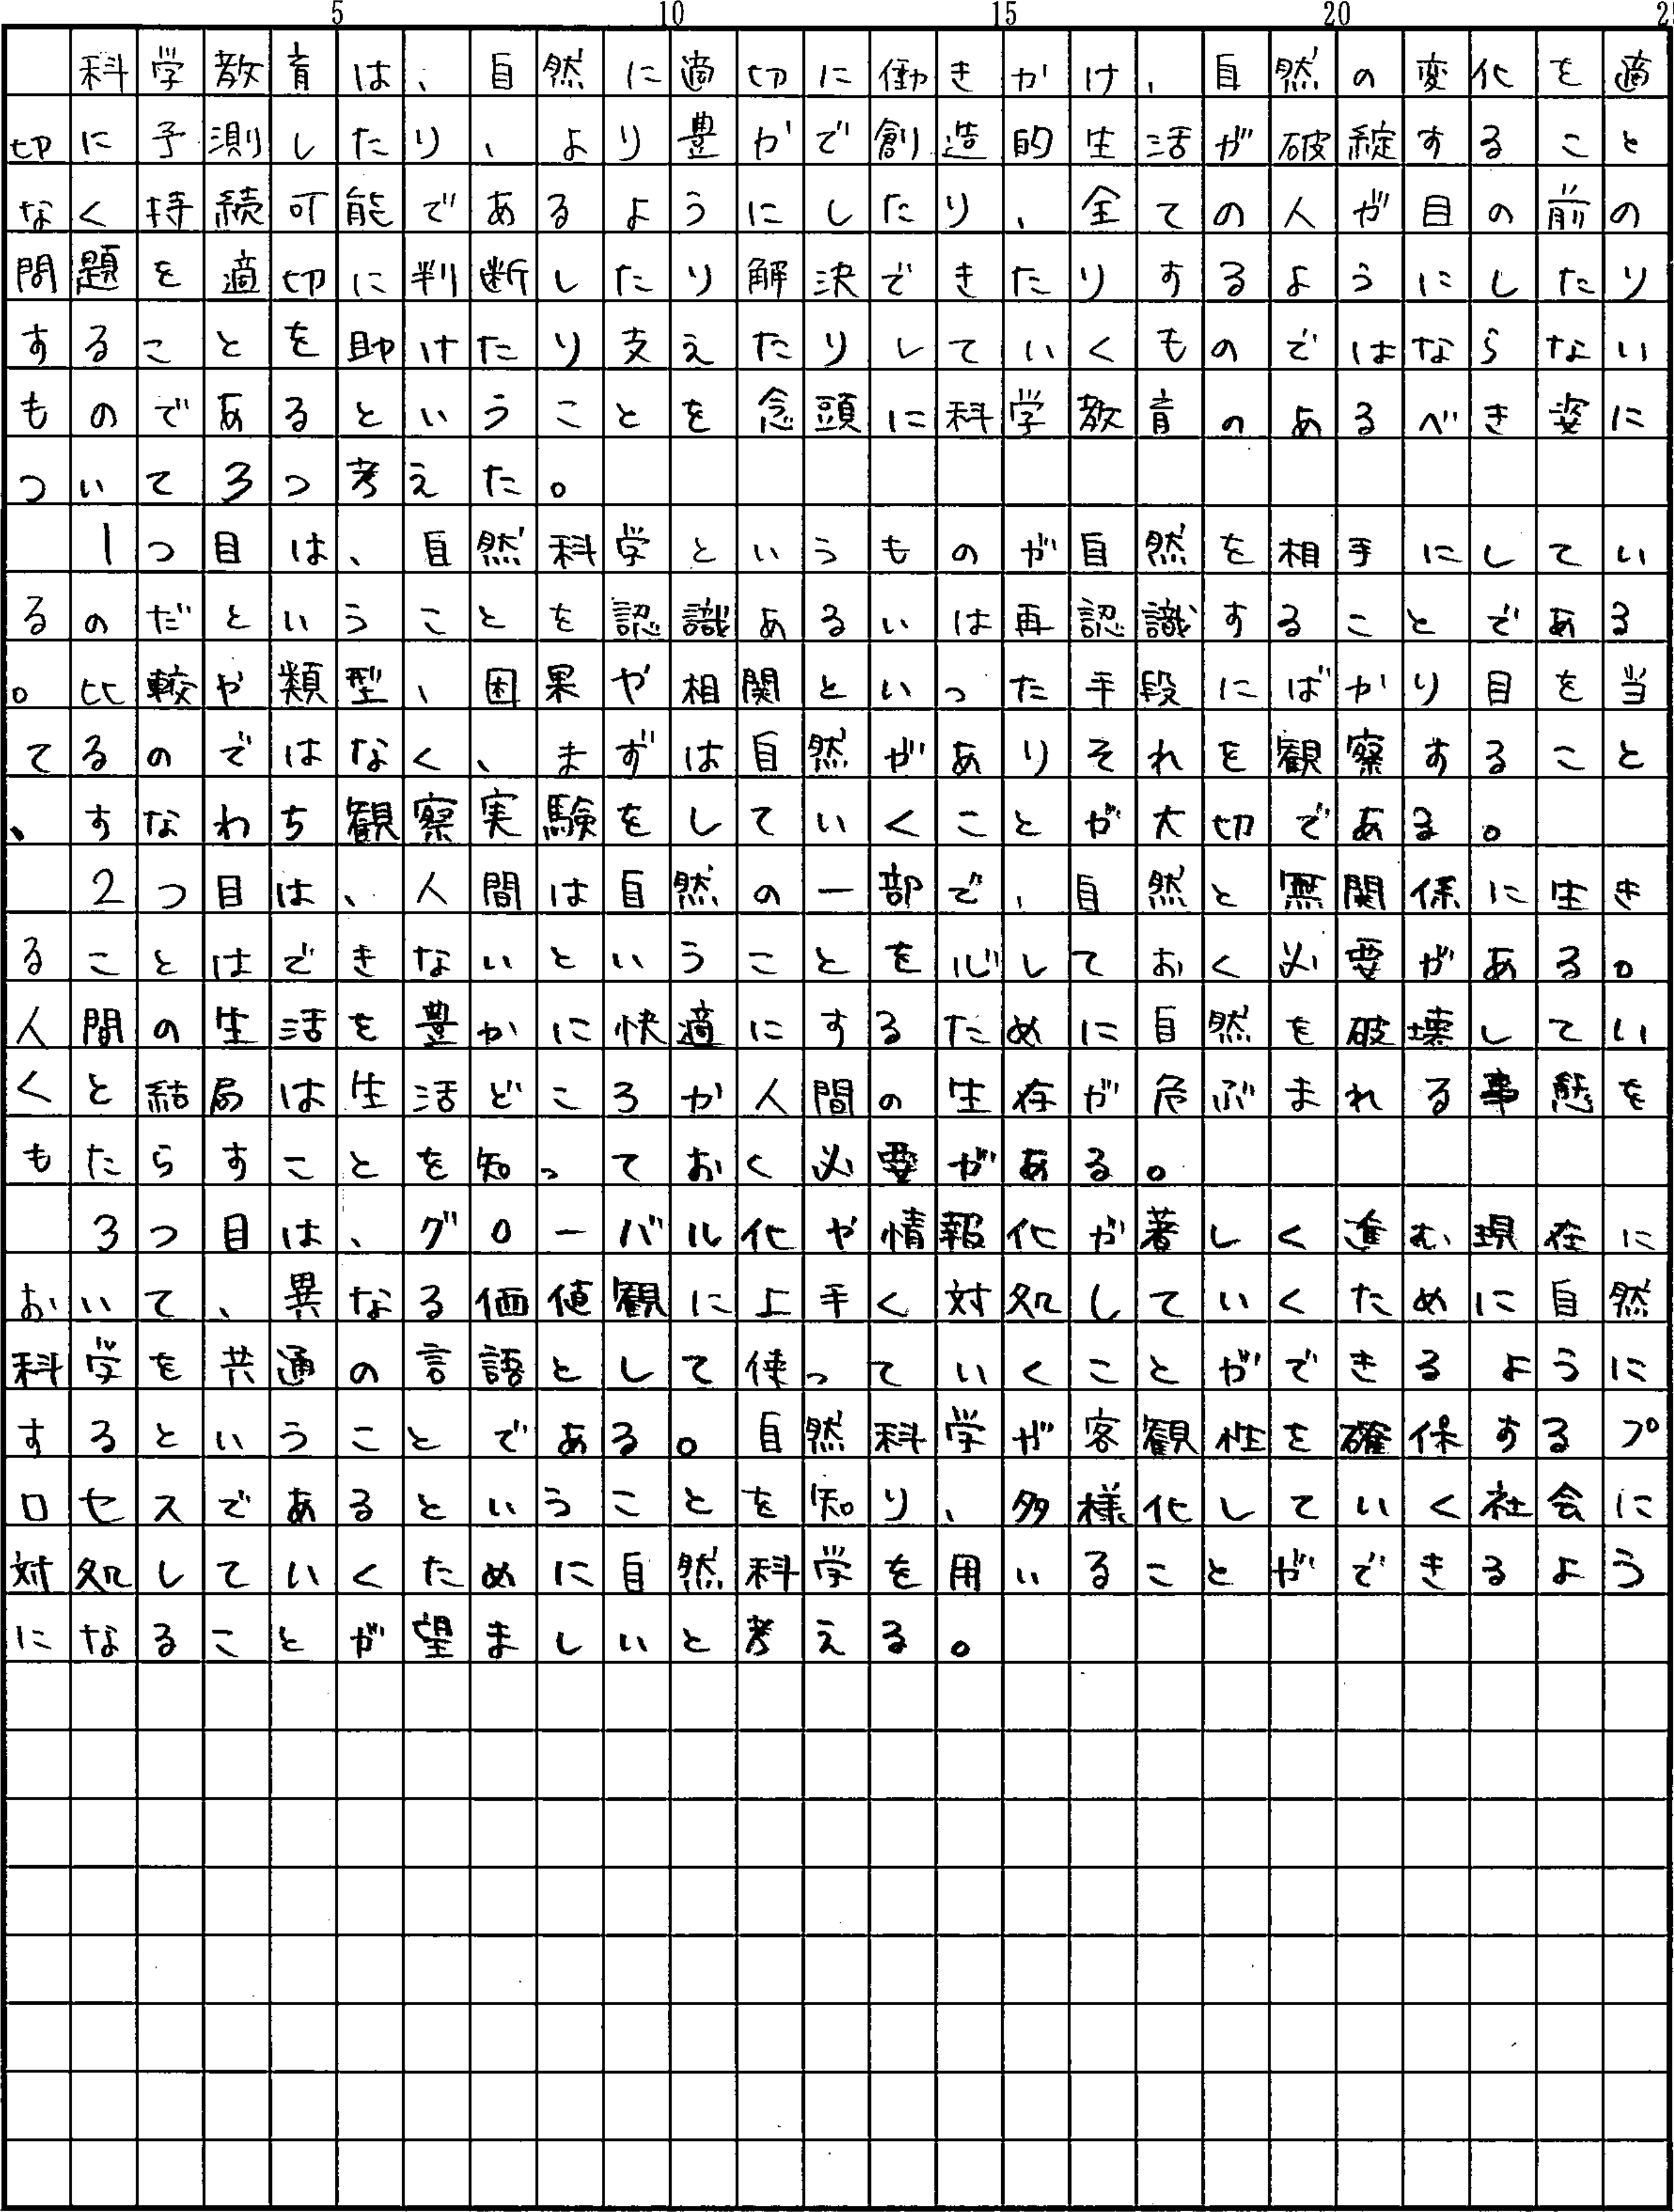　科学教育は、自然に適切に働きかけ、自然の変化を適切に予測したり、より豊かで創造的生活が破綻することなく持続可能であるようにしたり、全ての人が目の前の問題を適切に判断したり解決できたりするようにしたりすることを助けたり支えたりしていくものではならないものであるということを念頭に科学教育のあるべき姿について３つ考えた。
　１つ目は、自然科学というものが自然を相手にしているのだということを認識あるいは再認識することである。比較や類型、因果や相関といった手段にばかり目を当てるのではなく、まずは自然がありそれを観察すること、すなわち観察実験をしていくことが大切である。
　２つ目は、人間は自然の一部で、自然と無関係に生きることはできないということを心しておく必要がある。人間の生活を豊かに快適にするために自然を破壊していくと結局は生活どころか人間の生存が危ぶまれる事態をもたらすことを知っておく必要がある。
　３つ目は、グローバル化や情報化が著しく進む現在において、異なる価値観に上手く対処していくために自然科学を共通の言語として使っていくことができるようにするということである。自然科学が客観性を確保するプロセスであるということを知り、多様化していく社会に対処していくために自然科学を用いることができるようになることが望ましいと考える。
